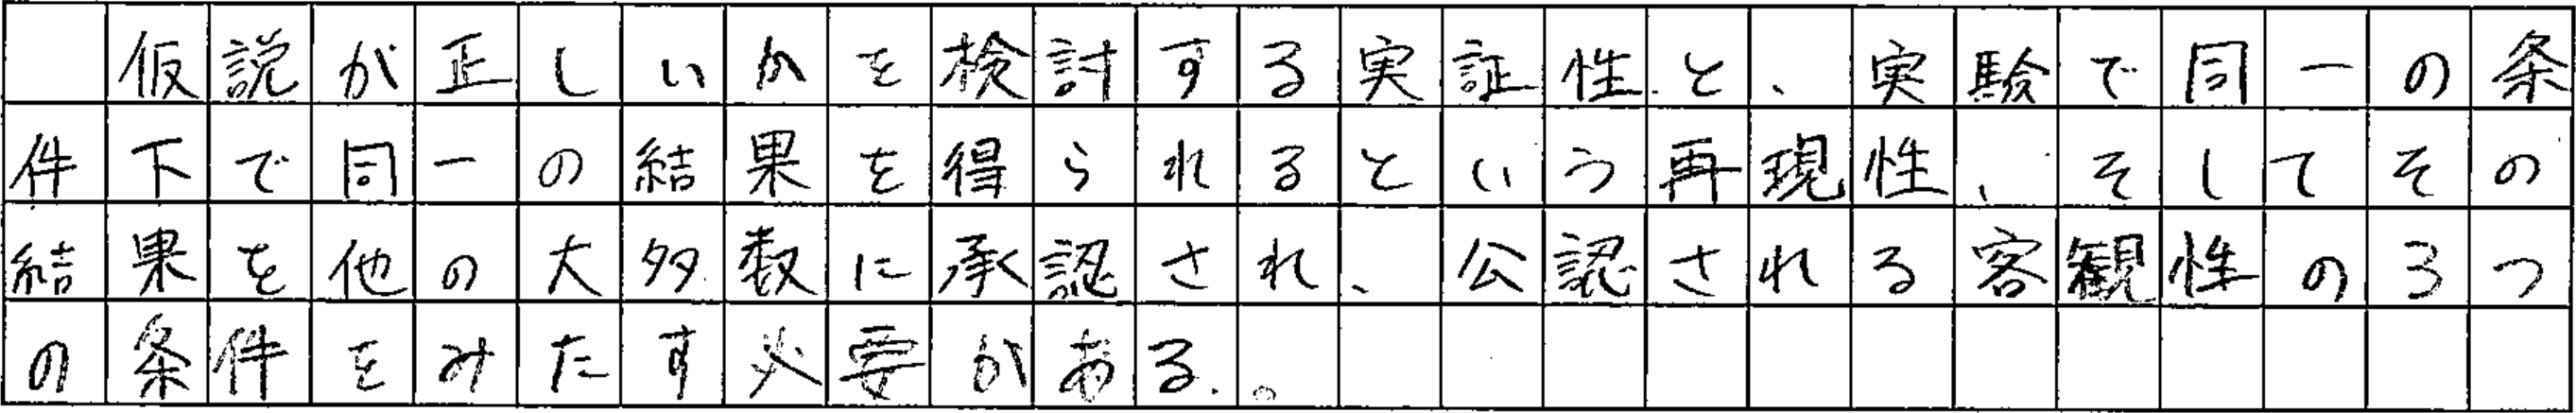　仮説が正しいかを検討する実証性と、実験で同一の条件下で同一の結果を得られるという再現性、そしてその結果を他の大多数に承認され、公認される客観性の３つの条件をみたす必要がある。
